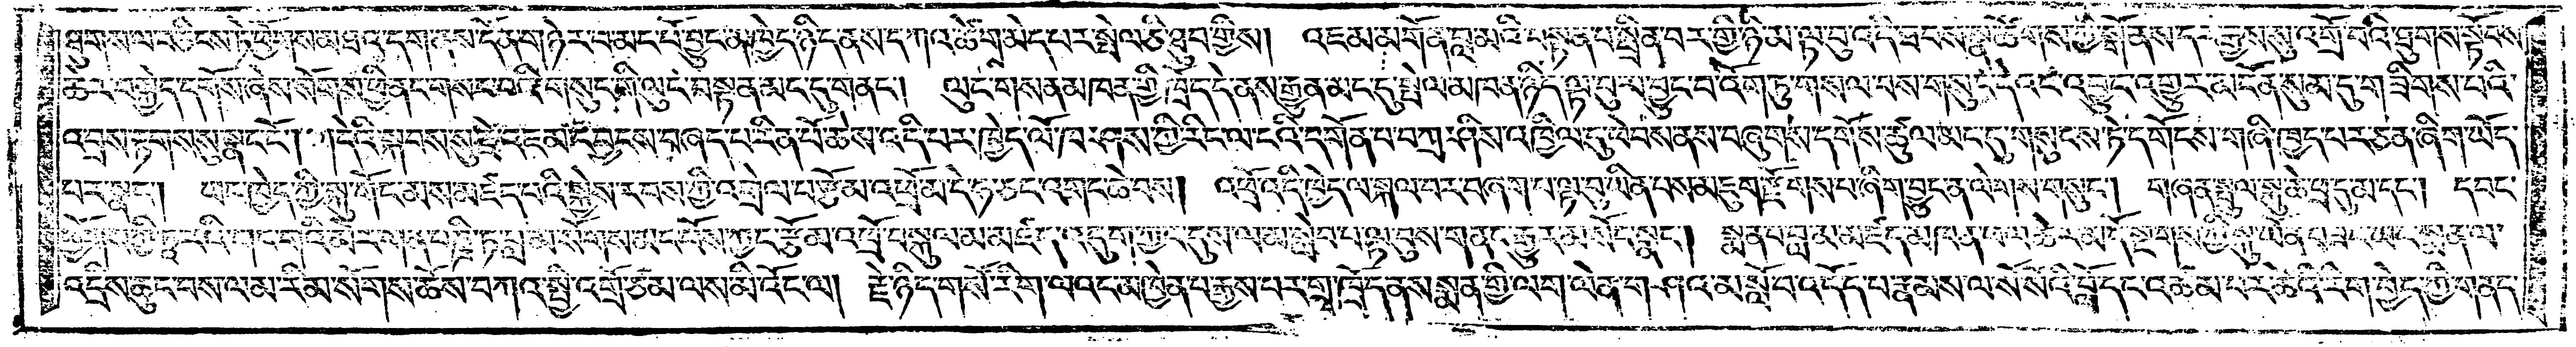ཐུགས་ལ་བཅིངས་ཏེ་ཕྱོགས་མཐའ་དག་ནས་དོན་གཉེར་བ་མང་པོ་བྱུང་ན་ཁྱེད་ཉིད་ནས་དཀའ་ཚེགས་མེད་པར་སྤེལ་ཅི་ཐུབ་གྱིས། འཇམ་མགོན་བླ་མའི་བསྟན་པ་སྤྲིན་བར་གྱི་ཉི་མ་ལྟ་བུ་འདི་ཐབས་སྣ་ཚོགས་ཀྱི་སྒོ་ནས་དར་རྒྱས་སུ་འགྲོ་བའི་ཐུགས་སྟོབས་
ཆེར་བསྐྱེད་དགོས་ཞེས་སོགས་ཕྱི་ནང་གསང་བའི་གསུང་གི་ལུང་བསྟན་མང་དུ་གནང་། ལུང་གསན་མཁན་གྱི་ཁྲོད་དེ་ནས་རྒྱུན་མང་དུ་སྤེལ་མཁན་ཉིད་ལྟ་བུ་མ་བྱུང་བ་འོག་ཏུ་གསལ་བས་གསུང་དེའང་འབྱུང་འགྱུར་མངོན་སུམ་དུ་གཟིགས་པའི་
འབྲས་རྟགས་སུ་སྣང་ངོ། །དེའི་སྐབས་སུ་རྗེ་འཇམ་དབྱངས་བཞད་པ་རིན་པོ་ཆེས་འདི་པར་ཁྱེད་ལོ་ཁ་ཤས་ཀྱི་རིང་ལ་ངའི་དགོན་པ་བཀྲ་ཤིས་འཁྱིལ་དུ་ཕེབས་ནས་བཞུགས་དགོས་ཚུལ་མང་དུ་གསུངས་ཏེ་དགོངས་གཞི་ཁྱད་པར་ཅན་ཞིག་ཡོད་
པར་སྣང་། ཡང་ཁྱེད་ཀྱི་སྐུ་གོང་མས་མཛད་པའི་སྐྱེས་རབས་ཀྱི་འགྲེལ་པ་རྩོམ་འཕྲོ་མ་དེ་ཧ་ཅང་འགང་ཆེ་བས། འཕྲོ་འདི་ཁྱེད་ལ་སྐལ་བར་བཞག་པ་ལྟ་བུ་ཡིན་པས་མཇུག་རྫོགས་པ་ཞིག་བྱུང་ན་ལེགས་གསུང་། གཞན་སྤྲུལ་སྐུ་ཆེ་ཕྲ་དུ་མ་དང་། དབང་
ཕྱོགས་ཀྱི་ཏཱ་རའི་གང་གའི་མེར་གན་བཎྜི་ཏ་བླ་མ་སོགས་མང་པོས་ཀྱང་རྩོམ་འཕྲོ་བསྐུལ་མ་མཛད་འདུག་ཀྱང་དུས་ལ་མ་སླེབ་པ་ལྟ་བུས་གནང་རྒྱུར་མ་སོང་སྣང་། སྨན་པ་བླ་མ་མཛད་མཁན་ཕལ་ཆེར་མདོ་སྔགས་ཀྱི་སྐུ་ཡོན་བཟང་ཡང་སྨན་ལ་
འདྲིས་ཆུང་བས་ལམ་རིམ་སོགས་ཆོས་བཀའ་སྤྱི་འགྲོ་ཙམ་ལས་མི་འོང་ལ། རྗེ་ཉིད་གསོ་རིག་ལའང་མཁྱེན་པ་རྒྱས་པར་གྲྭ་ཁྲོད་ནས་སྨན་གྱི་ལག་ལེན་གཤའ་མ་སློབ་འདོད་པ་རྣམས་ལ་སོ་སོའི་བློ་དང་འཚམ་པར་ཚེའི་རིག་བྱེད་ཀྱི་གནད་